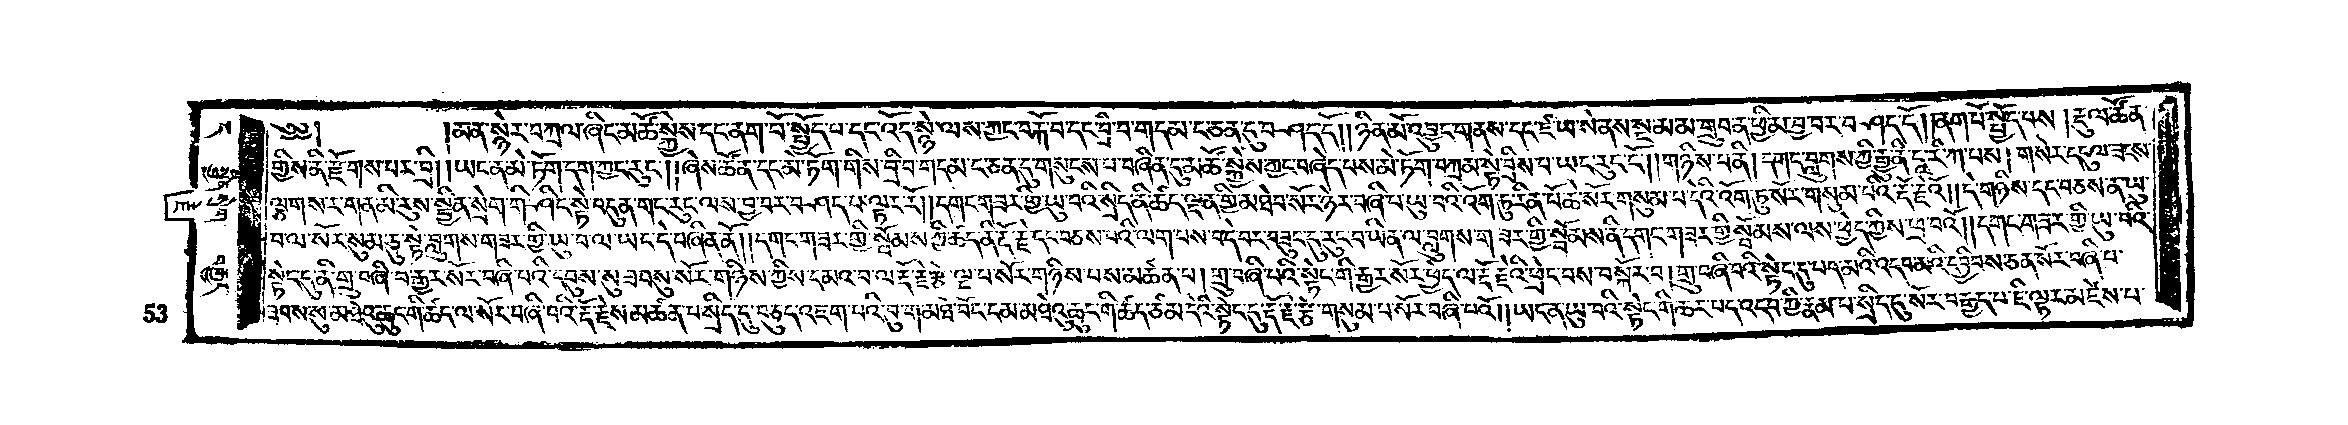༄༅། །མན་སྙེར་བཀྲལ་ཞིང་མཚོ་སྐྱེས་དང་ནག་པོ་སྤྱོད་པ་དང་འོད་སྙེ་ལས་ཀྱང་བརྐོ་བ་དང་བྲི་བ་གདམ་ང་ཅན་དུ་བཤད་དོ། །ཉིན་མོ་འབྱུང་གནས་དང་ཛ་ཡ་སེ་ནས་སྔ་མ་མ་གྲུབ་ན་ཕྱི་མ་བྱ་བར་བཤད་དོ། །ནག་པོ་སྤྱོད་པས། རྡུལ་ཚོན་
གྱིས་ནི་རྫོགས་པར་བྲི། །ཡང་ན་མེ་ཏོག་དག་ཀྱང་རུང་། །ཞེས་ཚོན་དང་མེ་ཏོག་གིས་བྲི་བ་གདམ་ང་ཅན་དུ་གསུངས་པ་བཞིན་དུ་མཚོ་སྐྱེས་ཀྱང་བཞེད་པས་མེ་ཏོག་བཀྲམ་སྟེ་བྲིས་པ་ཡང་རུང་ངོ། །གཉིས་པ་ནི། དགང་བླུགས་ཀྱི་རྒྱུ་ནི་དཱ་རི་ཀ་པས། གསེར་དངུལ་ཟངས་
ལྕགས་ར་གན་མི་རུས་སྦྱིན་སྲེག་གི་ཤིང་སྟེ་བདུན་གང་རུང་ལས་བྱ་བར་བཤད་པ་ལྟར་རོ། །དགང་གཟར་གྱི་ཡུ་བའི་སྲིད་ནི་ཚད་ལྡན་གྱི་མཐེབ་སོར་ཉེར་བཞི་པ་ཡུ་བའི་འོག་ཏུ་རིན་པོ་ཆེ་སོར་གསུམ་པ་དེའི་འོག་ཏུ་སོར་གསུམ་པའི་རྡོ་རྗེའོ། །དེ་གཉིས་དང་བཅས་ན་ཡུ་
བ་ལ་སོར་སུམ་ཅུ་སྟེ་བླུགས་གཟར་གྱི་ཡུ་བ་ལ་ཡང་དེ་བཞིན་ནོ། །དགང་གཟར་གྱི་སྦོམས་ཀྱི་ཚད་ནི་རྡོ་རྗེ་དང་བཅས་པའི་ལག་པས་བདེ་བར་བཟུང་དུ་རུང་བ་ཡིན་ལ་བླུགས་གཟར་གྱི་སྦོམས་ནི་དགང་གཟར་གྱི་སྦོམས་ལས་ཕྱེད་ཀྱིས་ཕྲ་བའོ། །དགང་གཟར་གྱི་ཡུ་བའི་
སྟེང་དུ་ནི་གྲུ་བཞི་བ་རྒྱར་སོར་བཞི་པའི་དབུས་སུ་ཟབས་སུ་སོར་གཉིས་ཀྱིས་དམའ་བ་ལ་རྡོ་རྗེ་རྩེ་ལྔ་པ་སོར་གཉིས་པས་མཚན་པ། གྲུ་བཞི་པའི་སྟེང་གི་རྒྱར་སོར་ཕྱེད་ལ་རྡོ་རྗེའི་ཕྲེང་བས་བསྐོར་བ། གྲུ་བཞི་བའི་སྟེང་དུ་པད་མའི་འདབ་མའི་དབྱིབས་ཅན་སོར་བཞི་པ་
ཟབས་སུ་མཐེའུ་ཆུང་གི་ཚད་ལ་སོར་བཞི་བའི་རྡོ་རྗེས་མཚན་པ་སྲིད་དུ་བཅུད་འཇག་པའི་བུ་ག་མཐེ་བོང་ངམ་མཐེའུ་ཆུང་གི་ཚད་ཙམ་དེའི་སྟེང་དུ་རྡོ་རྗེ་རྩེ་གསུམ་པ་སོར་བཞི་པའོ། །ཡང་ན་ཡུ་བའི་སྟེང་གི་ཆར་པད་འདབ་ཀྱི་རྣམ་པ་སྲིད་དུ་སོར་བརྒྱད་པ་ཇི་ལྟར་མཛེས་པ་